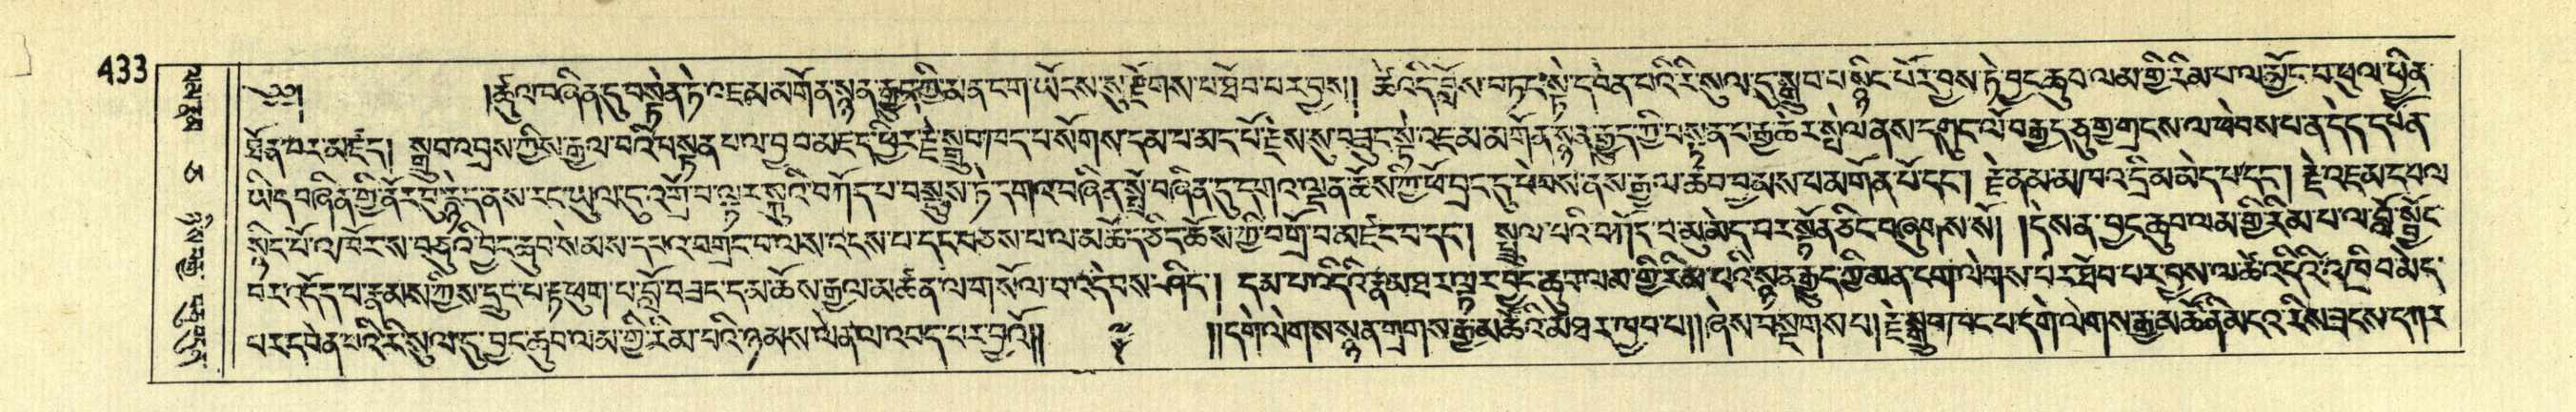༄༅། །ཚུལ་བཞིན་དུ་བསྟེན་ཏེ་འཇམ་མགོན་སྙན་རྒྱུད་ཀྱི་མན་ངག་ཡོངས་སུ་རྫོགས་པ་ཐོབ་པར་བྱས། ཚེ་འདི་བློས་བཏང་སྟེ་དབེན་པའི་རི་སུལ་དུ་སྒྲུབ་པ་སྙིང་པོར་བྱས་ཏེ་བྱང་ཆུབ་ལམ་གྱི་རིམ་པ་ལ་མྱོང་བ་ཕུལ་ཕྱིན་
ཐོན་བར་མཛད། སྒྲུབ་འབྲས་ཀྱིས་རྒྱལ་བའི་བསྟན་པ་ལ་བྱ་བ་མཛད་ཕྱིར་རྗེ་སྒྲུབ་ཁང་པ་སོགས་དམ་པ་མང་པོ་རྗེས་སུ་བཟུང་སྟེ་འཇམ་མགོན་སྙན་རྒྱུད་ཀྱི་བསྟན་པ་རྒྱ་ཆེར་སྤེལ་ནས་དགུང་ལོ་བརྒྱད་ཅུ་གྱ་གྲངས་ལ་ཕེབས་པ་ན་དེད་དཔོན་
ཡིད་བཞིན་གྱི་ནོར་བུ་རྙེད་ནས་རང་ཡུལ་དུ་འགྲོ་བ་ལྟར་སྐུའི་བཀོད་པ་བསྡུས་ཏེ་དགའ་བཞིན་སྤྲོ་བཞིན་དུ་དགའ་ལྡན་ཆོས་ཀྱི་ཕོ་བྲང་དུ་ཕེབས་ནས་རྒྱལ་ཚབ་བྱམས་པ་མགོན་པོ་དང་། རྗེ་ནམ་མཁའ་དྲི་མ་མེད་པ་དང་། རྗེ་འཇམ་དཔལ་
སྙིང་པོ་འཁོར་ས་བཅུའི་བྱང་ཆུབ་སེམས་དཔའ་བགྲང་བ་ལས་འདས་པ་དང་བཅས་པ་ལ་མཆོད་ཅིང་ཆོས་ཀྱི་འགྲོ་བ་མཛད་བ་དང་། སྤྲུལ་པའི་བཀོད་བ་མུ་མེད་པར་སྟོན་ཅིང་བཞུགས་སོ། །དེས་ན་བྱང་ཆུབ་ལམ་གྱི་རིམ་པ་ལ་བློ་སྦྱོང་
བར་འདོད་པ་རྣམས་ཀྱིས་དྲུང་པ་རྟ་ཕུག་པ་བློ་བཟང་དམ་ཆོས་རྒྱལ་མཚན་ལ་གསོལ་བ་འདེབས་ཤིང་། དམ་པ་འདིའི་རྣམ་ཐར་ལྟར་བྱང་ཆུབ་ལམ་གྱི་རིམ་པའི་སྙན་རྒྱུད་ཀྱི་མན་ངག་ལེགས་པར་ཐོབ་པར་བྱས་ལ་ཚེ་འདིའི་འཁྲིབ་མེད་
པར་དབེན་པའི་རི་སུལ་དུ་བྱང་ཆུབ་ལམ་གྱི་རིམ་པའི་ཉམས་ལེན་ལ་འབད་པར་བྱའོ།། ༈ །།དགེ་ལེགས་སྙན་གྲགས་རྒྱ་མཚོའི་མཐར་ཁྱབ་པ། །ཞེས་བསྔགས་པ། རྗེ་སྒྲུབ་ཁང་པ་དགེ་ལེགས་རྒྱ་མཚོ་ནི་མངའ་རིས་ཟངས་དཀར་